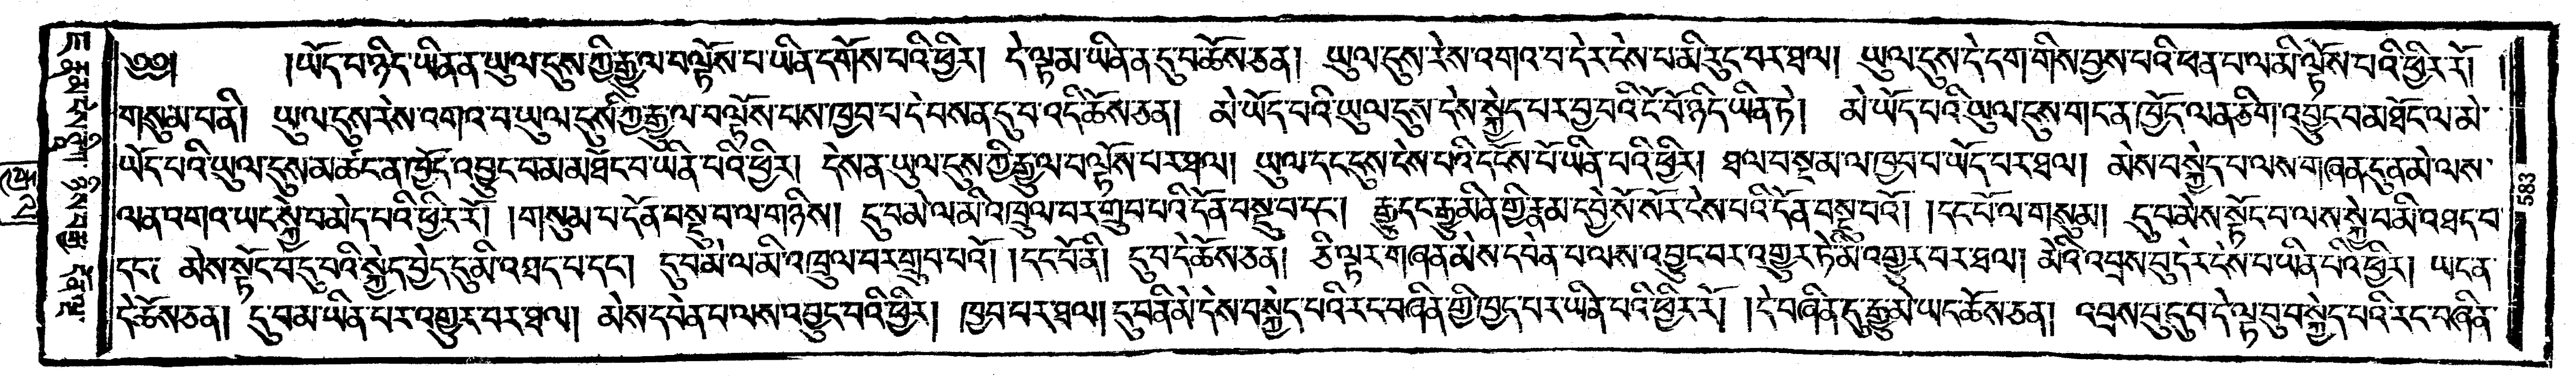༄༅། །ཡོད་པ་ཉིད་ཡིན་ན་ཡུལ་དུས་ཀྱི་རྒྱུ་ལ་བལྟོས་པ་ཡིན་དགོས་པའི་ཕྱིར། དེ་ལྟ་མ་ཡིན་ན་དུ་བ་ཆོས་ཅན། ཡུལ་དུས་རེས་འགའ་བ་དེར་ངེས་པ་མི་རུང་བར་ཐལ། ཡུལ་དུས་དེ་དག་གིས་བྱས་པའི་ཕན་པ་ལ་མི་ལྟོས་པའི་ཕྱིར་རོ། །
གསུམ་པ་ནི། ཡུལ་དུས་རེས་འགའ་བ་ཡུལ་དུས་ཀྱི་རྒྱུ་ལ་བལྟོས་པས་ཁྱབ་པ་དེ་བས་ན་དུ་བ་འདི་ཆོས་ཅན། མེ་ཡོད་པའི་ཡུལ་དུས་དེས་སྐྱེད་པར་བྱ་བའི་ངོ་བོ་ཉིད་ཡིན་ཏེ། མེ་ཡོད་པའི་ཡུལ་དུས་གང་ན་ཁྱོད་ལན་ཅིག་འབྱུང་བ་མཐོང་ལ་མེ་
ཡོད་པའི་ཡུལ་དུས་མ་ཚང་ན་ཁྱོད་འབྱུང་བ་མ་མཐོང་བ་ཡིན་པའི་ཕྱིར། དེས་ན་ཡུལ་དུས་ཀྱི་རྒྱུ་ལ་བལྟོས་པར་ཐལ། ཡུལ་དང་དུས་ངེས་པའི་དངོས་པོ་ཡིན་པའི་ཕྱིར། ཐལ་བ་སྔ་མ་ལ་ཁྱབ་པ་ཡོད་པར་ཐལ། མེས་བསྐྱེད་པ་ལས་གཞན་དུ་ན་མེ་ལས་
ལན་འགའ་ཡང་སྐྱེ་བ་མེད་པའི་ཕྱིར་རོ། །གསུམ་པ་དོན་བསྡུ་བ་ལ་གཉིས། དུ་བ་མེ་ལ་མི་འཁྲུལ་བར་གྲུབ་པའི་དོན་བསྡུ་བ་དང་། རྒྱུ་དང་རྒྱུ་མིན་གྱི་རྣམ་དབྱེ་སོ་སོར་ངེས་པའི་དོན་བསྡུ་བའོ། །དང་པོ་ལ་གསུམ། དུ་བ་མེས་སྟོང་བ་ལས་སྐྱེ་བ་མི་འཐད་པ་
དང་། མེས་སྟོང་བ་དུ་བའི་སྐྱེད་བྱེད་དུ་མི་འཐད་པ་དང་། དུ་བ་མེ་ལ་མི་འཁྲུལ་བར་གྲུབ་པའོ། །དང་པོ་ནི། དུ་བ་དེ་ཆོས་ཅན། ཅི་ལྟར་གཞན་མེས་དབེན་པ་ལས་འབྱུང་བར་འགྱུར་ཏེ་མི་འགྱུར་བར་ཐལ། མེའི་འབྲས་བུ་དེར་ངེས་པ་ཡིན་པའི་ཕྱིར། ཡང་ན་
དེ་ཆོས་ཅན། དུ་བ་མ་ཡིན་པར་འགྱུར་བར་ཐལ། མེས་དབེན་པ་ལས་འབྱུང་བའི་ཕྱིར། ཁྱབ་པར་ཐལ། དུ་བ་ནི་མེ་དེས་བསྐྱེད་པའི་རང་བཞིན་གྱི་ཁྱད་པར་ཡིན་པའི་ཕྱིར་རོ། །དེ་བཞིན་དུ་རྒྱུ་མེ་ཡང་ཆོས་ཅན། འབྲས་བུ་དུ་བ་དེ་ལྟ་བུ་བསྐྱེད་པའི་རང་བཞིན་